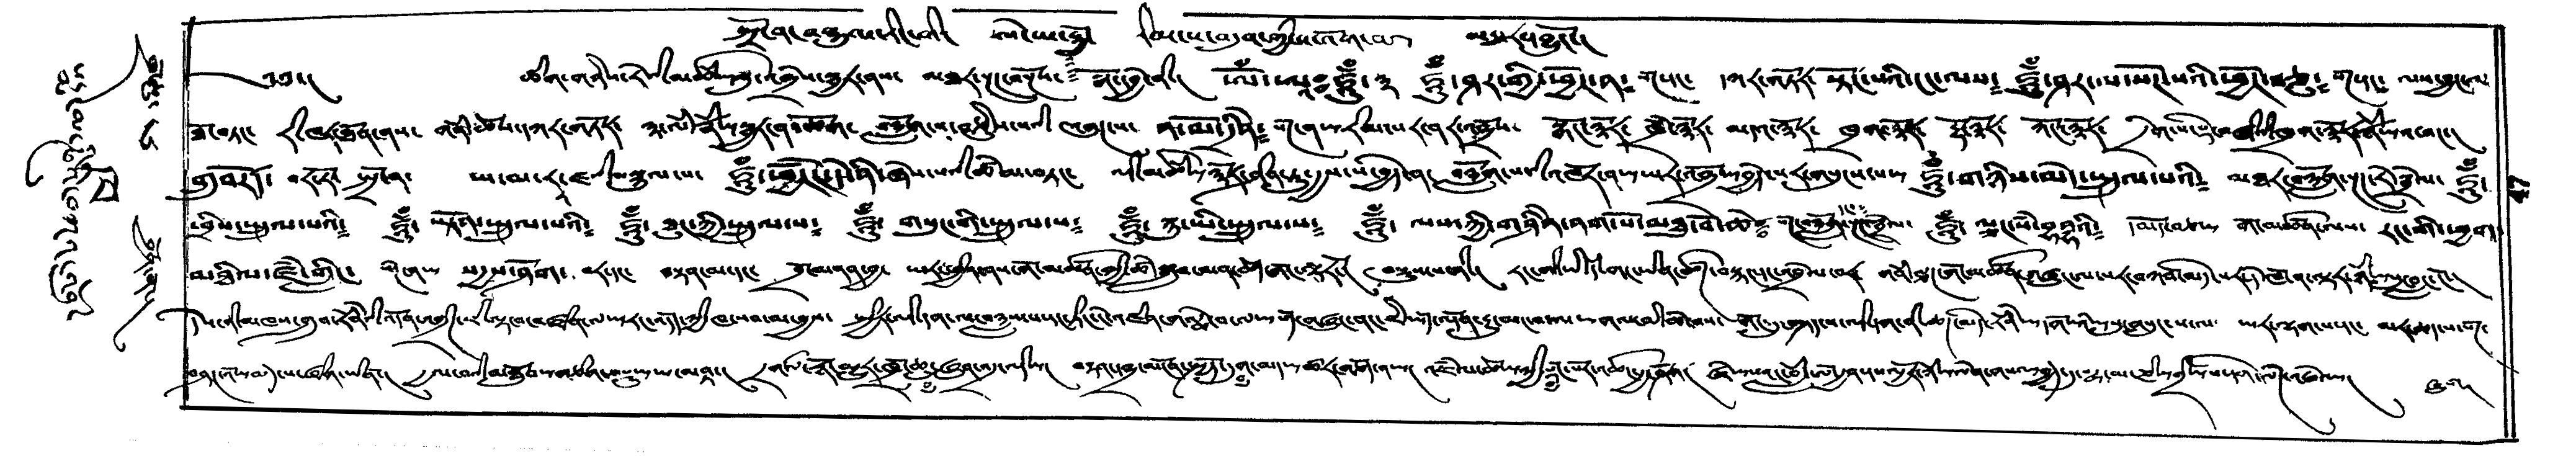ཚིག་གཉིས་རེའི་མཚམས་སུ་འགྲེས་སྦྱར་ནས། མཐར་སྔགས་བསྔོས་སྤྲོ་ན་བསྐུལ་རིང་གིས། ཨེ་ཡ་བྷྱོ༔ རིམ་པ་བདུན་གྱི་ས་འོག༴ ནས་མཐར་དབྱུང་ངོ་། སྒོ་དབྱེ་ནི། ཨོཾ་ཨཱཿཧཱུྃ༔ ལན་གསུམ། ཧཱུྃ ཤར་གྱི་ཕྱོགས་ནས༴ སོགས་དང་། དཀར་གཏོར་སྟོང་པའི་ངག་ལས༴ ཧཱུྃ་ཤར་ལ་སོགས་པའི་ཕྱོགས་བཅུ༴ སོགས་དང་། ལས་བྱང་གི་ཆད་
ཐོ་བཏང་། རི་ཁར་ཐོན་ནས། གནམ་ཆོས་དཀར་གཏོར། ཟ་ལམ་རྣམས་སྦྱར་ན་ཆོག བཟློག་པ་བཅུ་གཉིས་པའི། འགུགས་པ། ན་མོ༔ དྲིན་ཆེན༴ སོགས་ནས་རིམ་པར་ནར་འགྲོས། སྒོང་ཟོར། ཁྲམ་ཟོར། མདའ་ཟོར། ཁྲག་ཟོར། རྡོ་ཟོར། ཀོང་ཟོར། དྲེགས་པ་སྡེ་བཞིའི་ཁྲག་ཟོར་རྣམས་འཕང་། 
གྲུབ་པར་མཛོད། བར་རོ། སྤྲོ་ན། ཡ་མ་རཱ་ཛའི་བསྐུལ་པ། ཧཱུྃ༔ ཕྱོགས་ཕྱོགས་དེ་ནི༴ ཞེས་པའི་ཚེ་མ་བཏང་།མཚམས་འདིར་ཟོར་ཤིན་ཏུ་རྒྱས་པ་བྱེད་ན། བཟློག་པའི་འཁོར་ནས་ཡར་འགྲོས་བྱེད་པར་གསུངས་པས། ཧཱུྃ༔གཉིས་མེད་སྤྲུལ་པའི༴ མཐར་བཟློག་སྔགས་རེ་སྦྲེལ། ཧཱུྃ༔ 
ཕྲིན་ལས་སྤྲུལ་པའི༴ ཧཱུྃ༔ ཡོན་ཏན་སྤྲུལ་པའི༴ ཧཱུྃ༔ ཐུགས་ཀྱི་སྤྲུལ་པ༴ ཧཱུྃ༔ གསུང་གི་སྤྲུལ་པ༴ ཧཱུྃ༔ སྐུ་ཡི་སྤྲུལ་པ༴ ཧཱུྃ༔ ལས་ཀྱི་གཤིན་རྗེའི་ནག་པོ་མཐུ་བོ་ཆེ༔ སོགས་བཟློག་སྔགས་དང་སྦྲེལ། ཧཱུྃ༔ ལྕགས་སམ་བྷནྡྷའི༴ དམོད་བཅས། གོ་མཚོན་ལས། རང་གི་ཕྱག་
མཐིལ་འཛམ་གླིང༴ སོགས་ནས། སངས་རྒྱས་ཤོག༔ བར་དང་། བསྟན་མ་དང་། བྲོ་མནན་བྱ། ཡར་ཕྱིན་ནས་གོ་མཚན་གྱི་ཚེ་སྒྲུབ་མན་ཆོད་གོང་ལྟར་རོ། བསྡུས་པ་ནི། རང་གི་ཡི་དམ་གང་ཡིན་གྱི་ཚོགས་བསྐང་དང་འབྲེལ་བར། གནམ་ལྕགས་གོ་མཚོན་གྱི་གཞུང་ལ་པར་བཀབ་མེད་པར་དེ་ཁོ་ན་ལྟར་ཉམས་སུ་བླང་ངོ་། 
དེས་ནི་མཁས་གྲུབ་རིན་པོ་ཆེའི་འདོན་འགྲིགས་ཇི་ལྟ་བ་བཞིན་ལས་རང་འདོད་ཀྱི་ཁ་སབ་མ་བྱས། སྤྱིར་འདི་དག་ལ་བཟླས་པ་དང་ཏིང་ངེ་འཛིན་གལ་ཆེ་བ་ལས་པོད་གཞུང་ནང་ཇི་ཡོད་འདོན་རྒྱུ་མང་བ་གལ་མི་ཆེ་བས། གོང་དུ་བཤད་པ་འདི་དག་ནི་ཆགས་མེད་རིན་པོ་ཆེས་དགོས་ངོས་སུ་གསུངས་པ་ལ། ཡར་ལྷག་པ་དང་། མར་ཆད་པ་སོགས་
བཤགས་འོས་མེད་པ་ཞིག་ཡིན་ནོ། རྒྱལ་བའི་ཐུ་སྟོབས་གཅིག་བསྡུས་ཡ་མནྟ། དྲག་རྩལ་རྣོ་མྱུར་ཁྲོ་ཆུའི་ཞུན་འདྲ་འདིས། །བསྟན་དགྲ་མངོན་སྤྱོད་དུག་མདས་ཚར་བཅད་ནས། འཇམ་དཔལ་ཆོས་ཀྱི་སྡོང་པོར་འཚང་རྒྱ་ཤོག །ཞེས་པའང་བླ་མ་ཨོ་རྒྱན་དཔལ་འབྱོར་གྱི་ཉམས་ལེན་གསལ་བྱེད་དུ་པདྨ་མ་ཎིས་བྲིས་པ་དགེ་ལེགས་འཕེལ།། དགེའོ།།